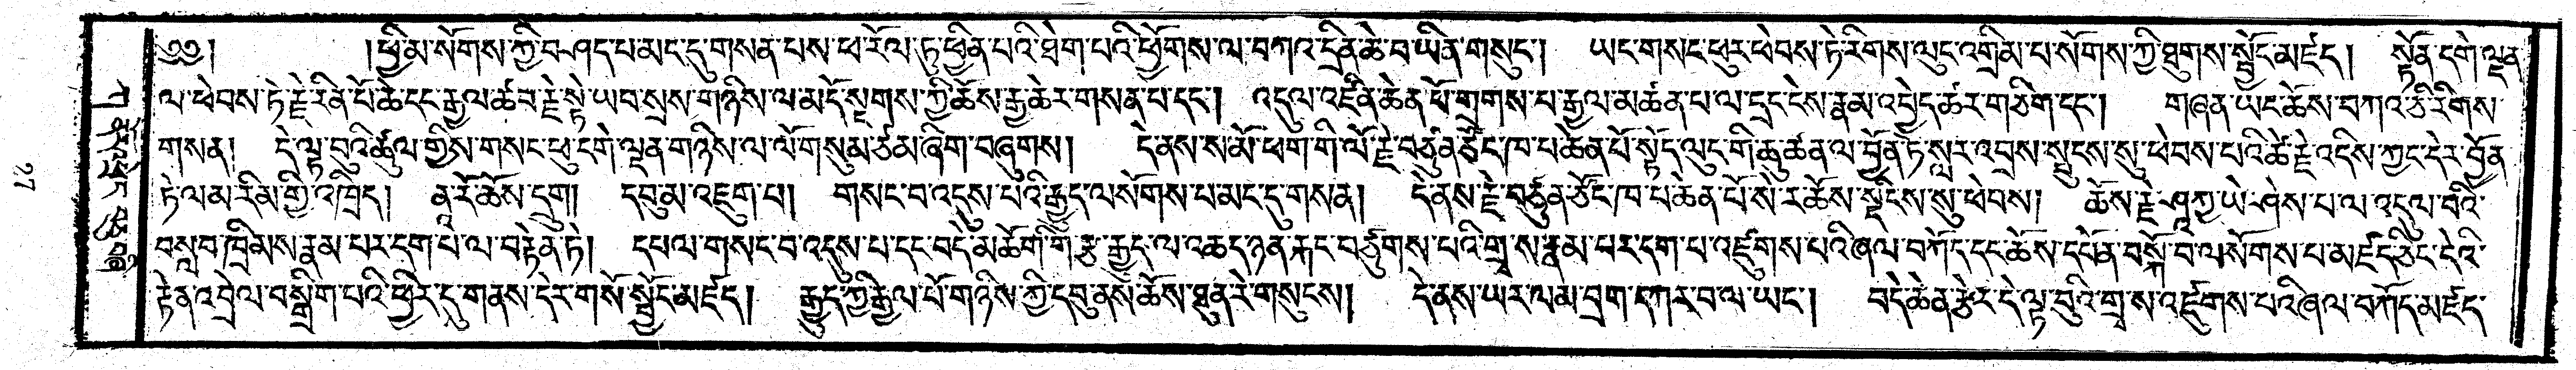༄༅། །ཕྱི་མ་སོགས་ཀྱི་བཤད་པ་མང་དུ་གསན་པས་ཕ་རོལ་ཏུ་ཕྱིན་པའི་ཐེག་པའི་ཕྱོགས་ལ་བཀའ་དྲིན་ཆེ་བ་ཡིན་གསུང་། ཡང་གསང་ཕུར་ཕེབས་ཏེ་རིགས་ལུང་འགྲིམ་པ་སོགས་ཀྱི་ཐུགས་སྦྱོང་མཛད། སྟོན་དགེ་ལྡན་
ལ་ཕེབས་ཏེ་རྗེ་རིན་པོ་ཆེ་དང་རྒྱལ་ཚབ་རྗེ་སྟེ་ཡབ་སྲས་གཉིས་ལ་མདོ་སྔགས་ཀྱི་ཆོས་རྒྱ་ཆེར་གསན་པ་དང་། འདུལ་འཛིན་ཆེན་པོ་གྲགས་པ་རྒྱལ་མཚན་པ་ལ་དྲང་ངེས་རྣམ་འབྱེད་ཚར་གཅིག་དང་། གཞན་ཡང་ཆོས་བཀའ་ཅི་རིགས་
གསན། དེ་ལྟ་བུའི་ཚུལ་གྱིས་གསང་ཕུ་དགེ་ལྡན་གཉིས་ལ་ལོ་གསུམ་ཙམ་ཞིག་བཞུགས། དེ་ནས་ས་མོ་ཕག་གི་ལོ་རྗེ་བཙུན་ཙེད་ཁ་པ་ཆེན་པོ་སྟོད་ལུང་གི་ཆུ་ཚན་ལ་བྱོན་ཏེ་སླར་འབྲས་སྤུངས་སུ་ཕེབས་པའི་ཚེ་རྗེ་འདིས་ཀྱང་དེར་བྱོན་
ཏེ་ལམ་རིམ་གྱི་འཁྲིད། ནཱ་རོ་ཆོས་དྲུག། དབུ་མ་འཇུག་པ། གསང་བ་འདུས་པའི་རྒྱུད་ལ་སོགས་པ་མང་དུ་གསན། དེ་ནས་རྗེ་བཙུན་ཙོང་ཁ་པ་ཆེན་པོ་སེ་ར་ཆོས་སྡིངས་སུ་ཕེབས། ཆོས་རྗེ་ཤཱཀྱ་ཡེ་ཤེས་པ་ལ་འདུལ་བའི་
བསླབ་ཁྲིམས་རྣམ་པར་དག་པ་ལ་བརྟེན་ཏེ། དཔལ་གསང་བ་འདུས་པ་དང་བདེ་མཆོག་གི་རྩ་རྒྱུད་ལ་འཆད་ཉན་རྐང་བཙུགས་པའི་གྲྭ་ས་རྣམ་པར་དག་པ་འཛུགས་པའི་ཞལ་བཀོད་དང་ཆོས་དཔོན་བསྐོ་བ་ལ་སོགས་པ་མཛད་ཅིང་དེའི་
རྟེན་འབྲེལ་བསྒྲིག་པའི་ཕྱིར་དུ་གནས་དེར་གསོ་སྦྱོང་མཛད། རྒྱུད་ཀྱི་རྒྱལ་པོ་གཉིས་ཀྱི་དབུ་ནས་ཆོས་ཐུན་རེ་གསུངས། དེ་ནས་ཡར་ལམ་བྲག་དཀར་བ་ལ་ཡང་། བདེ་ཆེན་རྩེར་དེ་ལྟ་བུའི་གྲྭ་ས་འཛུགས་པའི་ཞལ་བཀོད་མཛད་